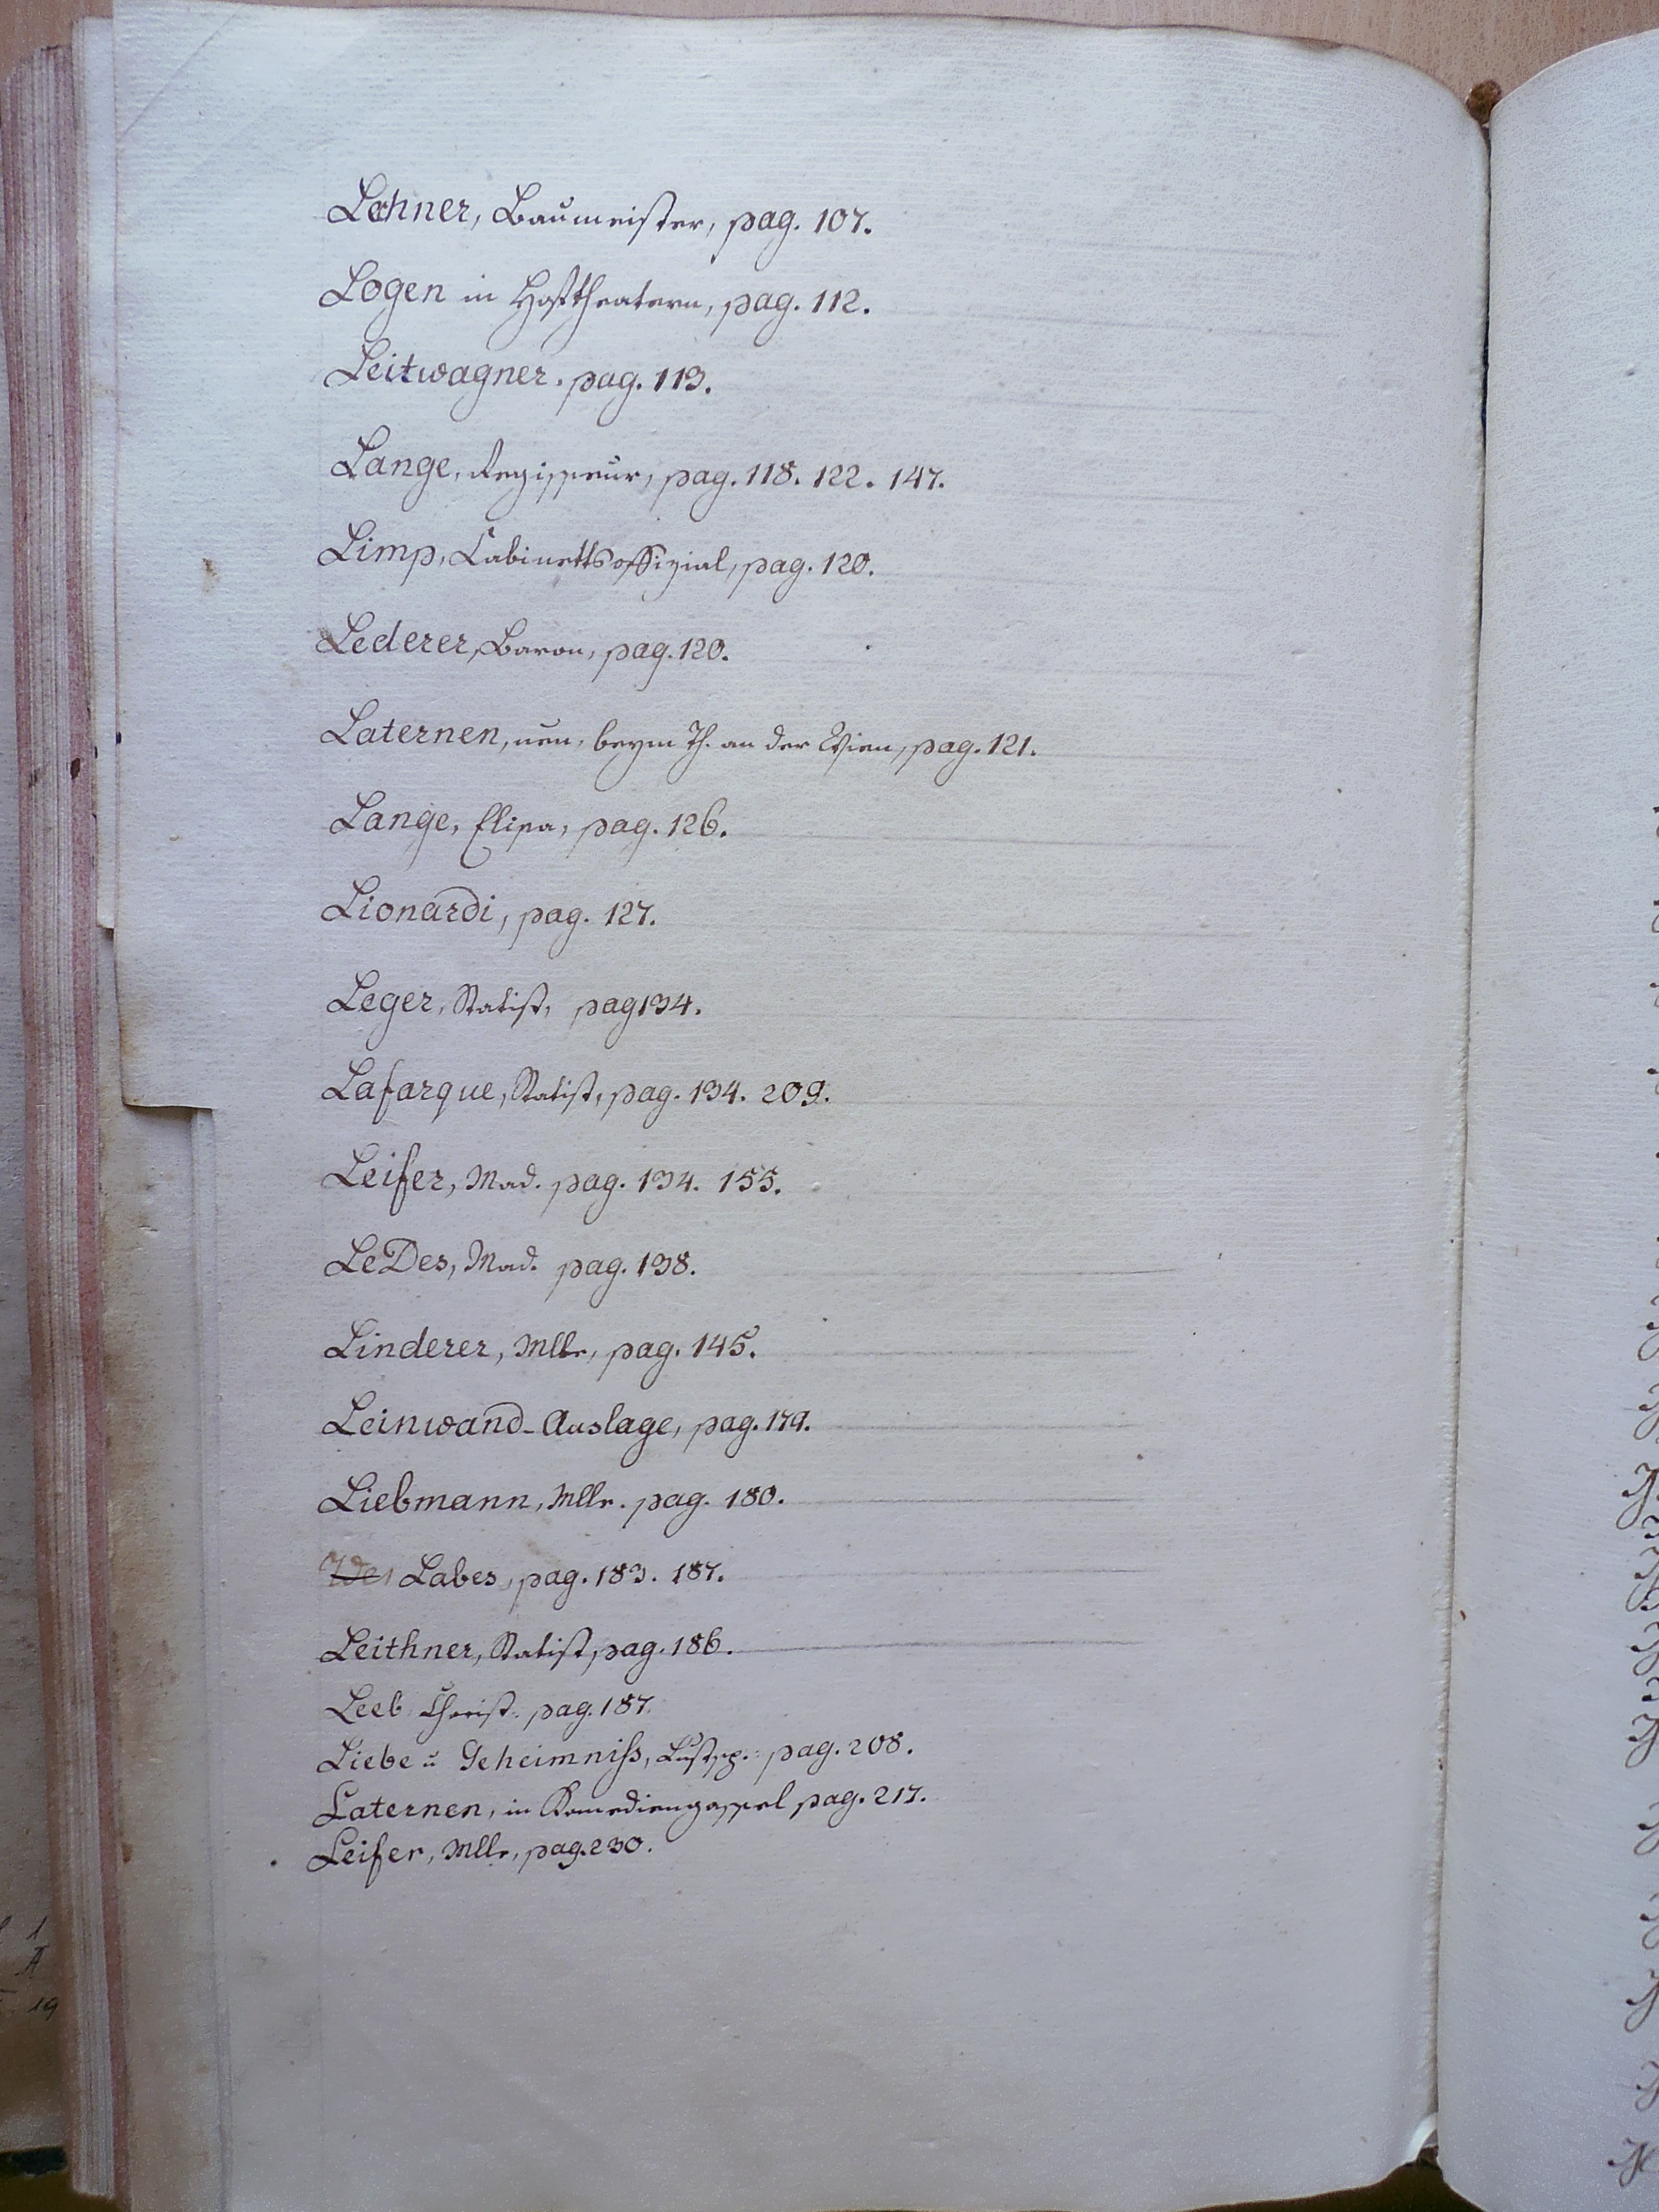Lechner, Baumeister, pag. 107.
Logen in Hoftheatern, pag. 112.
Leitwagner, pag. 113.
Lange, Regisseur, pag. 118. 122. 147.
Limp, Cabinettsoffizial, pag. 120.
Lederer, Baron, pag. 120.
Laternen, neu, beym Th. an der Wien, pag. 121.
Lange, Elisa, pag. 126.
Lionardi, pag. 127.
Leger, Statist, pag. 134.
Lafarque, Statist, pag. 134. 209.
Leifer, Mad. pag. 134. 155.
Le Des, Mad. pag. 138.
Linderer, Mlle, pag. 145.
Leinwand_Auslage, pag. 179.
Liebmann, Mlle. pag. 180.
Wes Labes, pag. 183. 187.
Leithner, Statist, pag. 186.
Leeb, Chorist. pag. 187.
Liebe u Geheimniss, Lustsp. pag. 208.
Laternen, in Komediengassel pag. 217.
Leifer, Mlle, pag. 230.